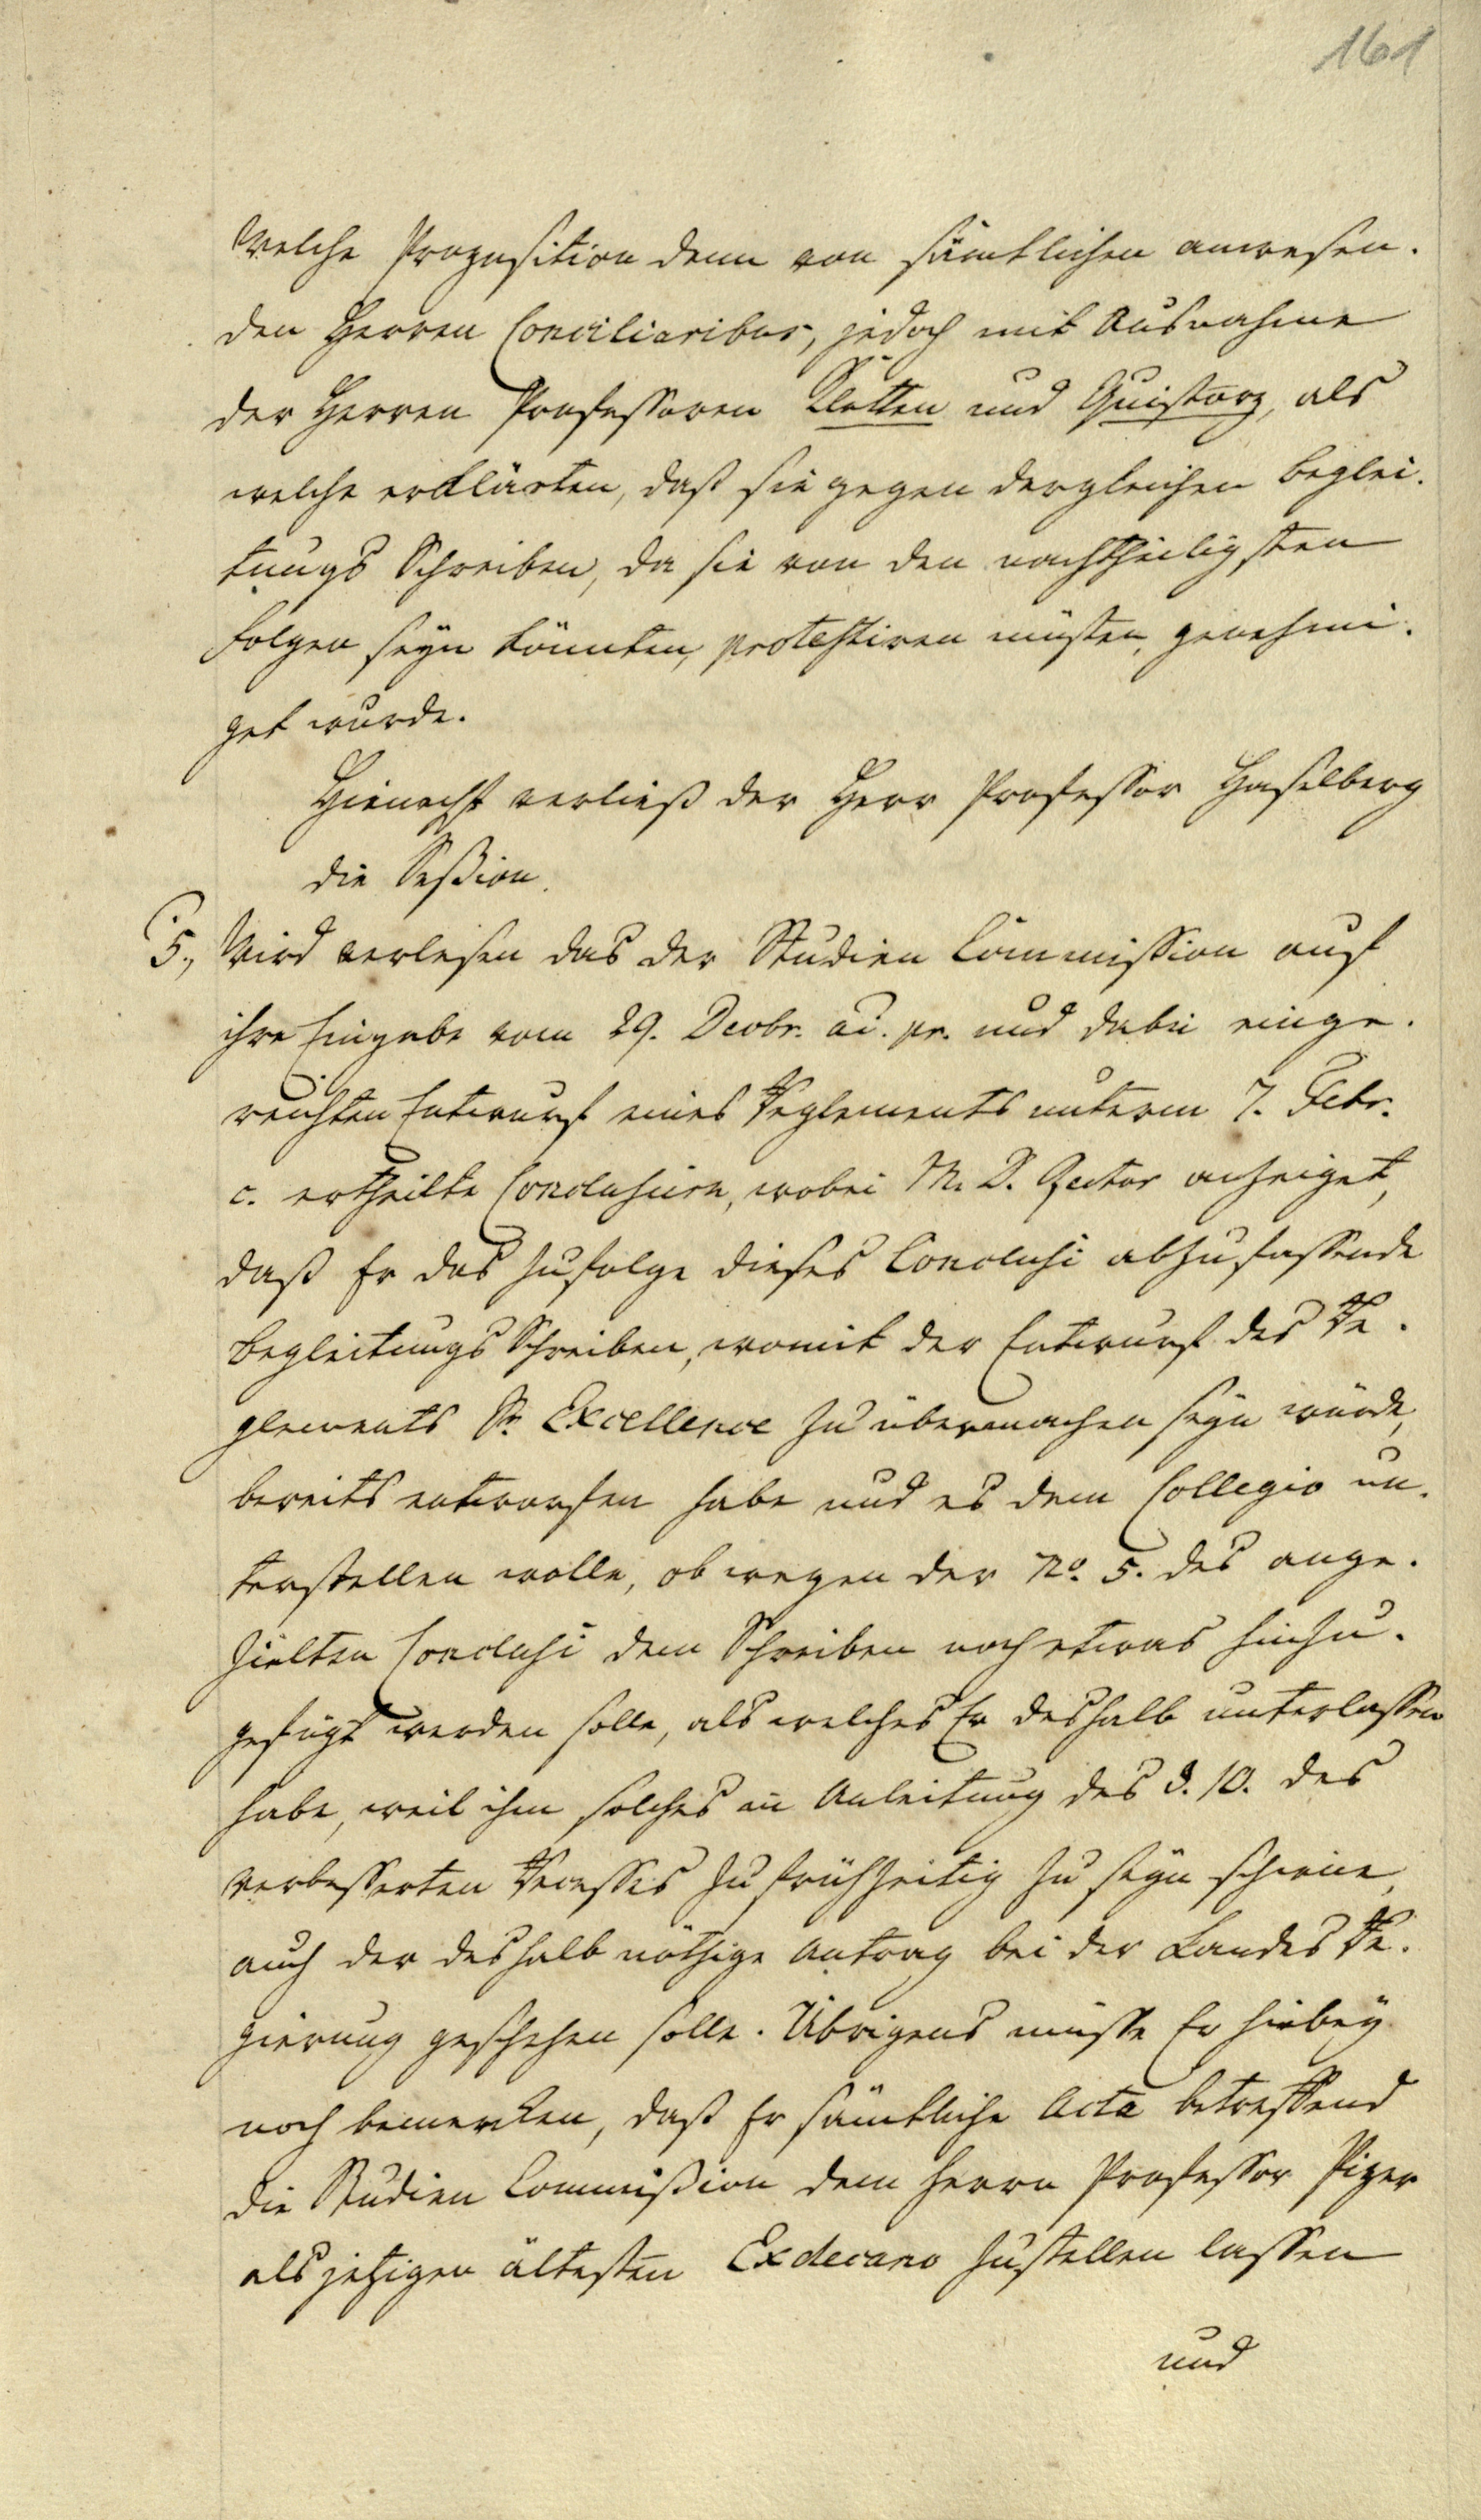Welche Proposition denn von sämtlichen anwesen¬
den Herren Conciliaribus, jedoch mit Aufnahme
der Herren Professoren Kletten und Quistorp, als
welche erklärten, daß sie gegen dergleichen Beglei¬
tungs Schreiben, da sie von den nachtheiligsten
Folgen seÿn könnten, protestiren müßten, genehmi¬
get wurde.
Hienechst verließ der Herr Professor Haselberg
die Seßion.
5., Wird verlesen das der Studien Commission auf
ihre Eingabe vom 29. Decbr. ai. pr. und dabei einge¬
reichten Entwurf eines Reglements unterm 7. Febr.
c. ertheilte Conclusum, wobei M. D. Rector anzeiget,
daß Er das zufolge dieses Conclusi abzufassende
Begleitungs Schreiben, womit der Entwurf des Re¬
glements Sr Excellence zu überwachen seÿn würde,
bereits entworfen habe und es dem Collegio un¬
terstellen wolle, ob wegen der No. 5. des ange¬
zielten Conclusi dem Schreiben noch etwas hinzu¬
gefügt werden solle, als welches Er deshalb unterlassen
habe, weil ihm solches in Anleitung des §. 10. des
verbesserten Recesses zu frühzeitig zu seÿn schiene,
auch der deshalb nöthige Antrag bei der Landes Re¬
gierung geschehen solle. Übrigens müsse Er hiebeÿ
noch bemercken, daß Er sämtliche Acta betreffend
die Studien Commission dem Herrn Professor Piper
als jetzigen ältesten Exdecano zustellen lassen
und